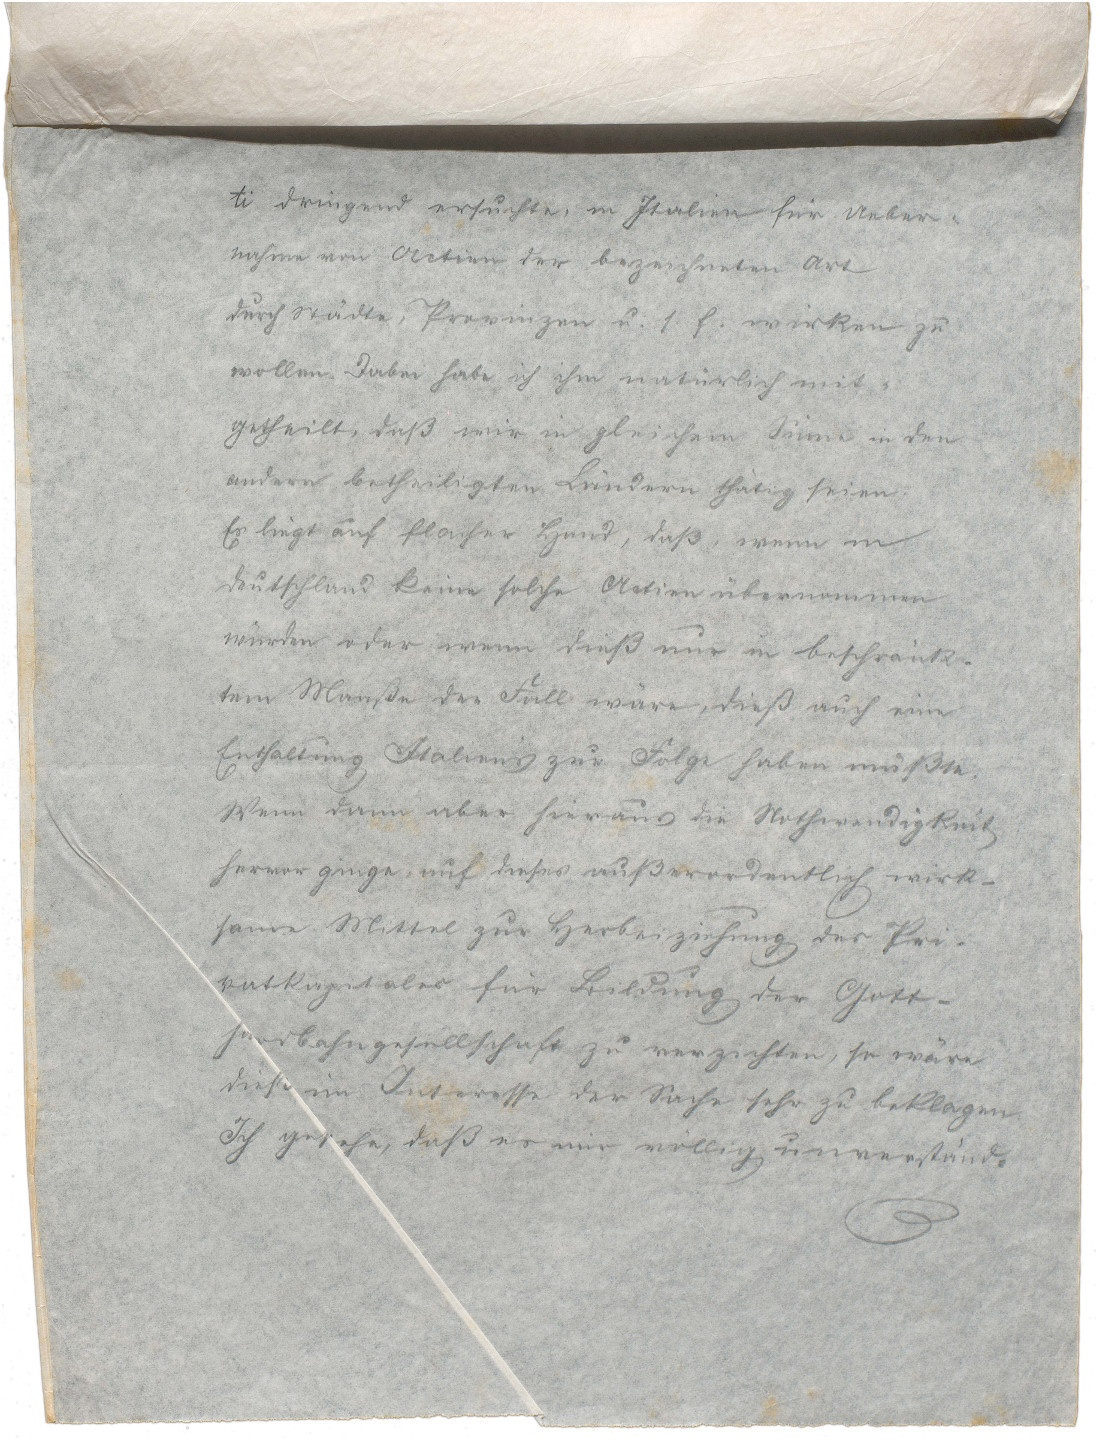ti dringend ersuchte, in Italien für Ueber-
nahme von Actien der bezeichneten Art
durch Städte, Provinzen u. s. f. wirken zu
wollen. Dabei habe ich ihm natürlich mit-
getheilt, daß wir in gleichem Sinne in den
andern betheiligten Ländern thätig seien.
Es liegt auf flacher Hand, daß, wenn in
Deutschland keine solche Actien übernommen
würden oder wenn dieß nur in beschränk-
tem Maaße der Fall wäre, dieß auch eine
Enthaltung Italien's zur Folge haben müßte.
Wenn dann aber hieraus die Nothwendigkeit
hervor ginge, auf dieses außerordentlich wirk-
same Mittel zur Herbeiziehung des Pri-
vatkapitales für Bildung der Gott-
hardbahngesellschaft zu verzichten, so wäre
dieß im Interesse der Sache sehr zu beklagen.
Ich gestehe, daß es mir völlig unverständ-